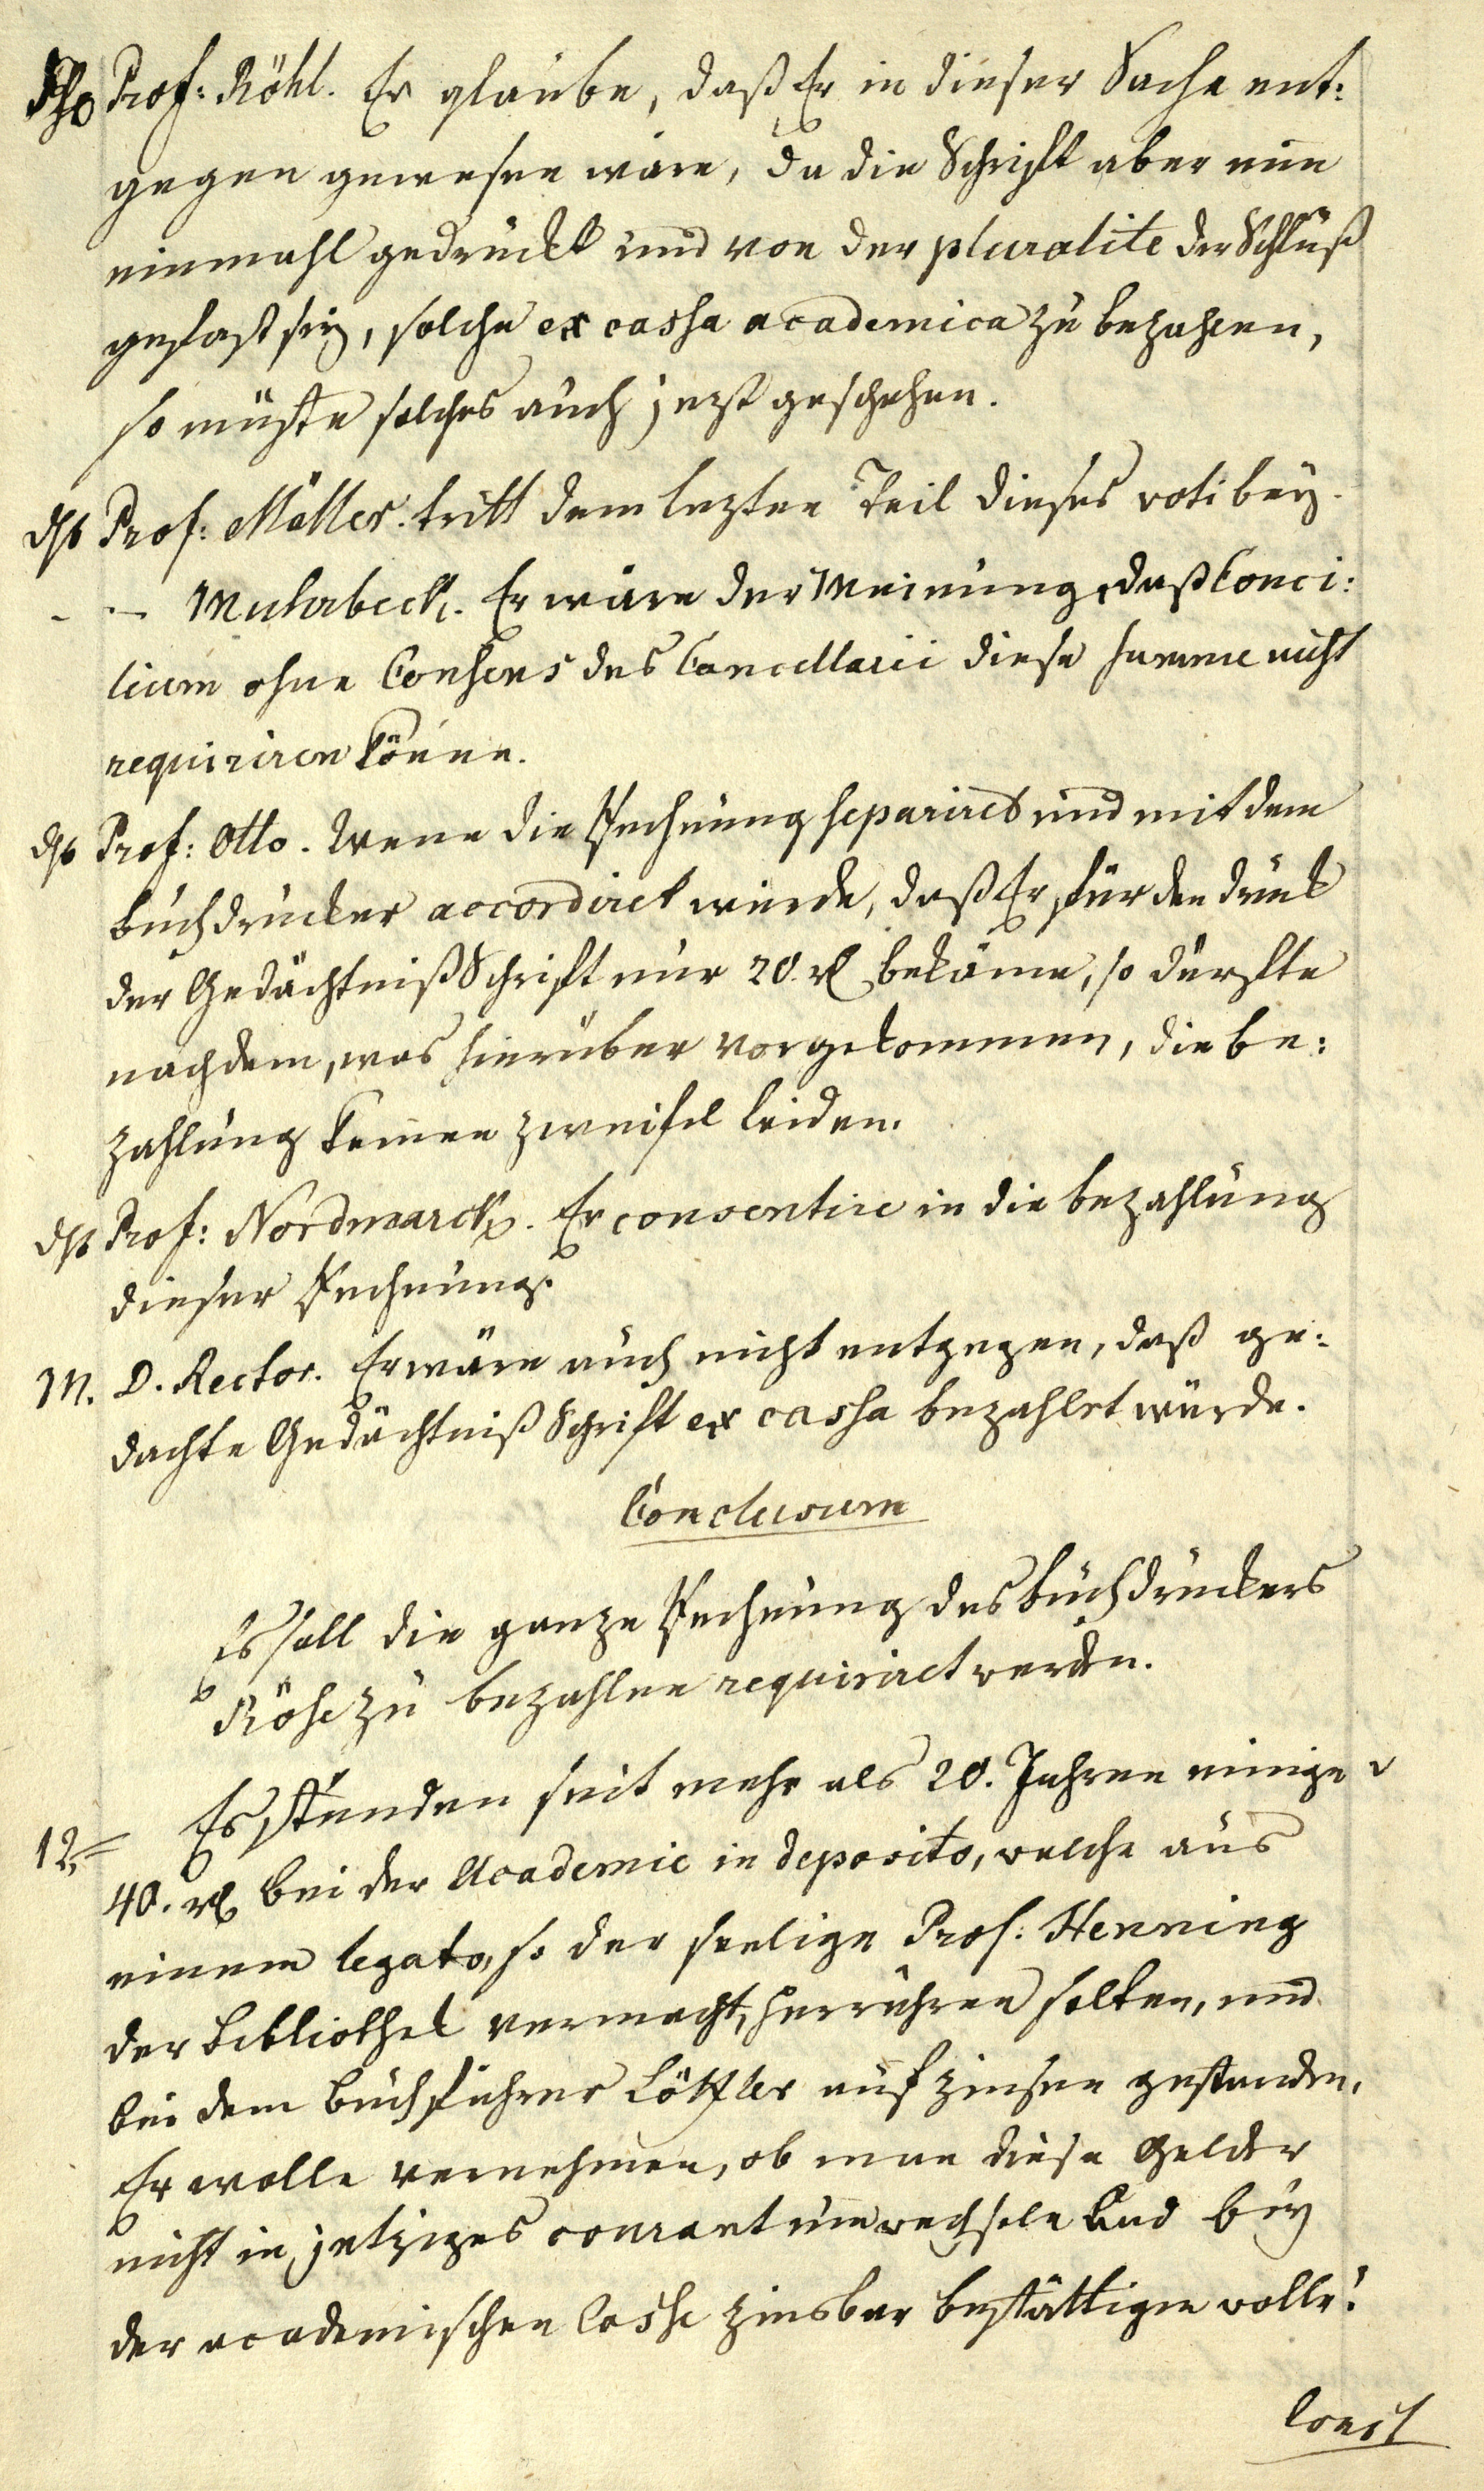dh Prof. Röhl. Er glaube, daß Er in dieser Sache ent¬
gegen gewesen wäre, da die Schrift aber nun
einmahl gedruckt und von der pluralite der Schluß
gefaßt seÿ, solche ex cassa academica zu bezahlen,
so müste solches auch jezt geschehen.
dh. Prof. Möller tritt dem lezten Teil dieses voti beÿ.
Muhrbeck. Er wäre der Meinung, daß Conci¬
lium ohne Consens des Cancellarii diese Summe nicht
requiriren könne.
dh Prof. Otto. Wenn die Rechnung separiret und mit dem
Buchdrucker accordirt würde, daß Er für den Druck
der Gedächtniß Schrift nur 20. rl. bekäme, so dürfte
nachdem, was hierüber vorgekommen, die Be¬
zahlung keinen Zweifel leiden.
dh Prof. Nordmarck. Er consentire in die Bezahlung
dieser Rechnung.
M. D. Rector. Er wäre auch nicht entgegen, daß ge¬
dachte Gedächtniß Schrift ex cassa bezahlet würde.
Conclusum
Es soll die ganze Rechnung des Buchdruckers
Röse zu bezahlen requiriret werden.
12, es stünden seit mehr als 20. Jahren einige
40. rl. bei der Academie in deposito, welche aus
einem Legato, so der seelige Prof. Henning
der Bibliothek vermacht, herrühren solten, und
bei dem Buchführer Löffler auf Zinsen gestanden,
Er wolle vernehmen, ob man diese Gelder
nicht in jetziges courant umwechseln und beÿ
der academischen Casse zinsbar bestättigen wolle?
Concl